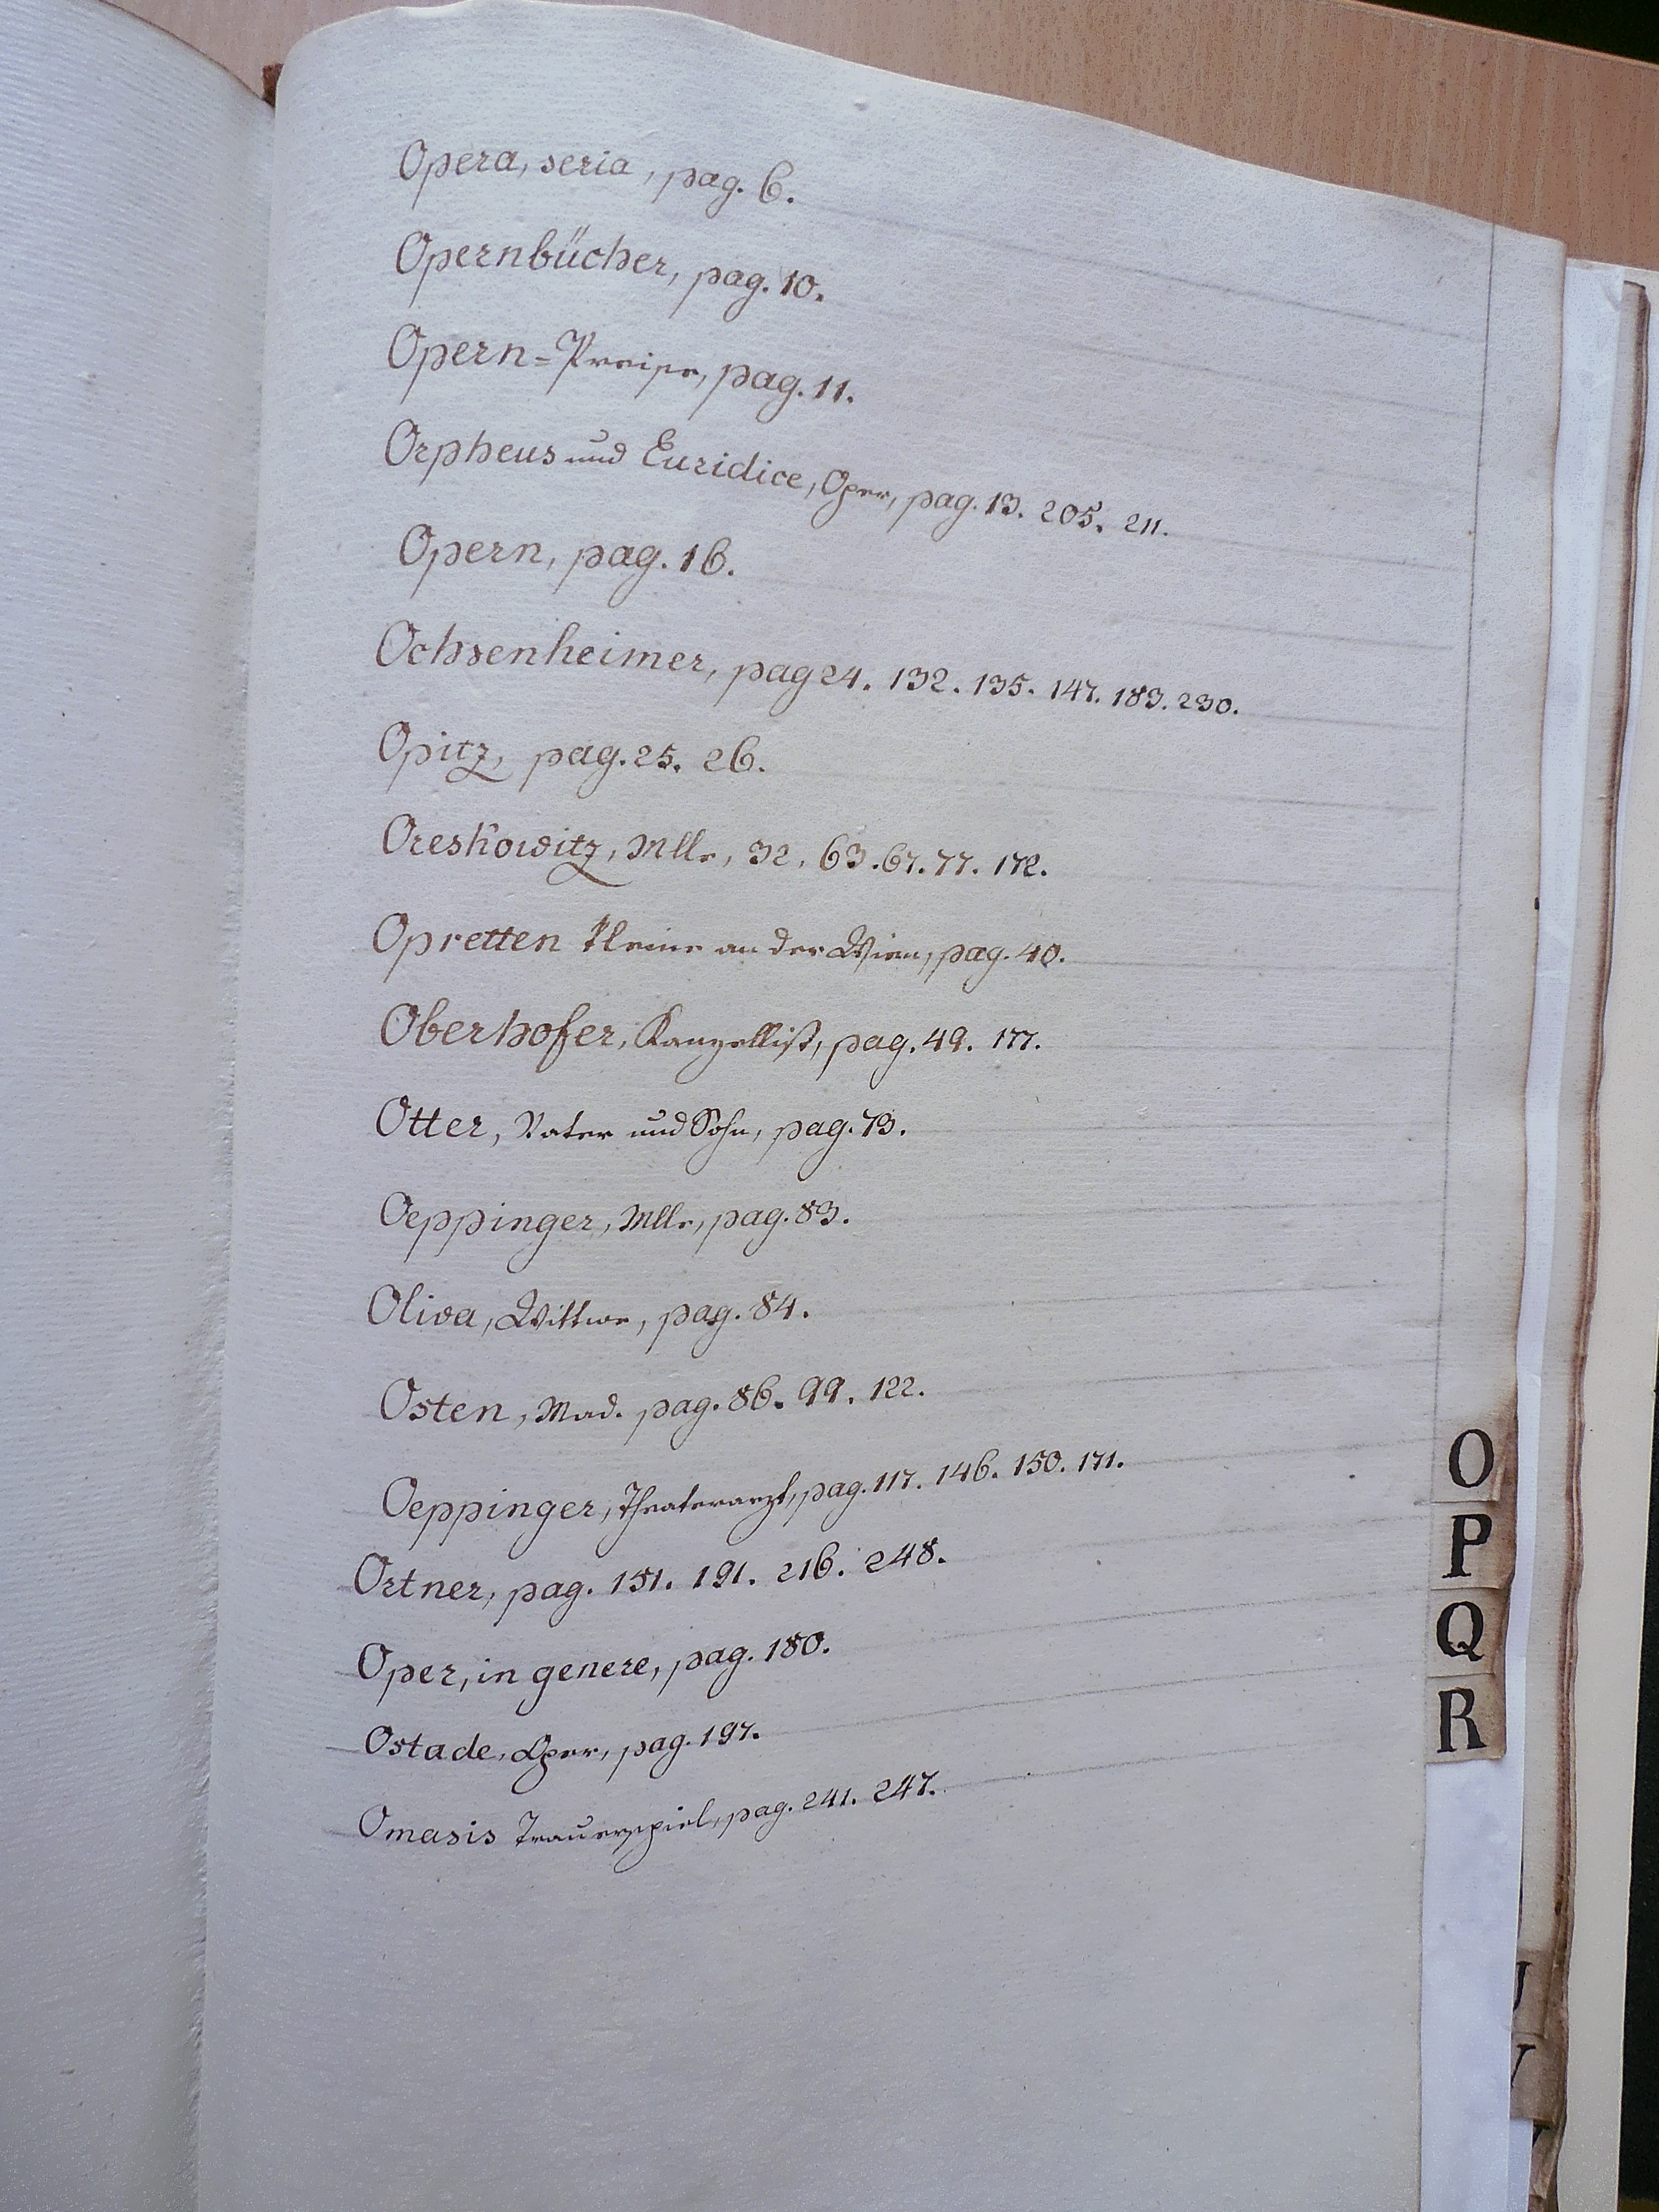O
Opera, seria, pag. 6.
Opernbücher, pag. 10.
Opern=Preise, pag. 11.
Orpheus und Euridice, Oper, pag. 13. 205. 211.
Opern, pag. 16.
Ochsenheimer, pag 24. 132. 135. 147. 183. 230.
Opitz, pag. 25. 26.
Oreskowitz, Mlle, 32. 63. 67. 77. 172.
Opretten kleine an der Wien, pag. 40.
Oberhofer, Kanzellist, pag. 49. 177.
Otter, Vater und Sohn, pag. 73.
Oeppinger, Mlle, pag. 83.
Oliva, Wittwe, pag. 84.
Osten, Mad. pag. 86. 99. 122.
Oeppinger, Theaterarzt, pag. 117. 146. 150. 171.
Ortner, pag. 151. 191. 216. 248.
Oper, in genere, pag. 180.
Ostade, Oper, pag. 197.
Omasis Trauerspiel, pag. 241. 247.